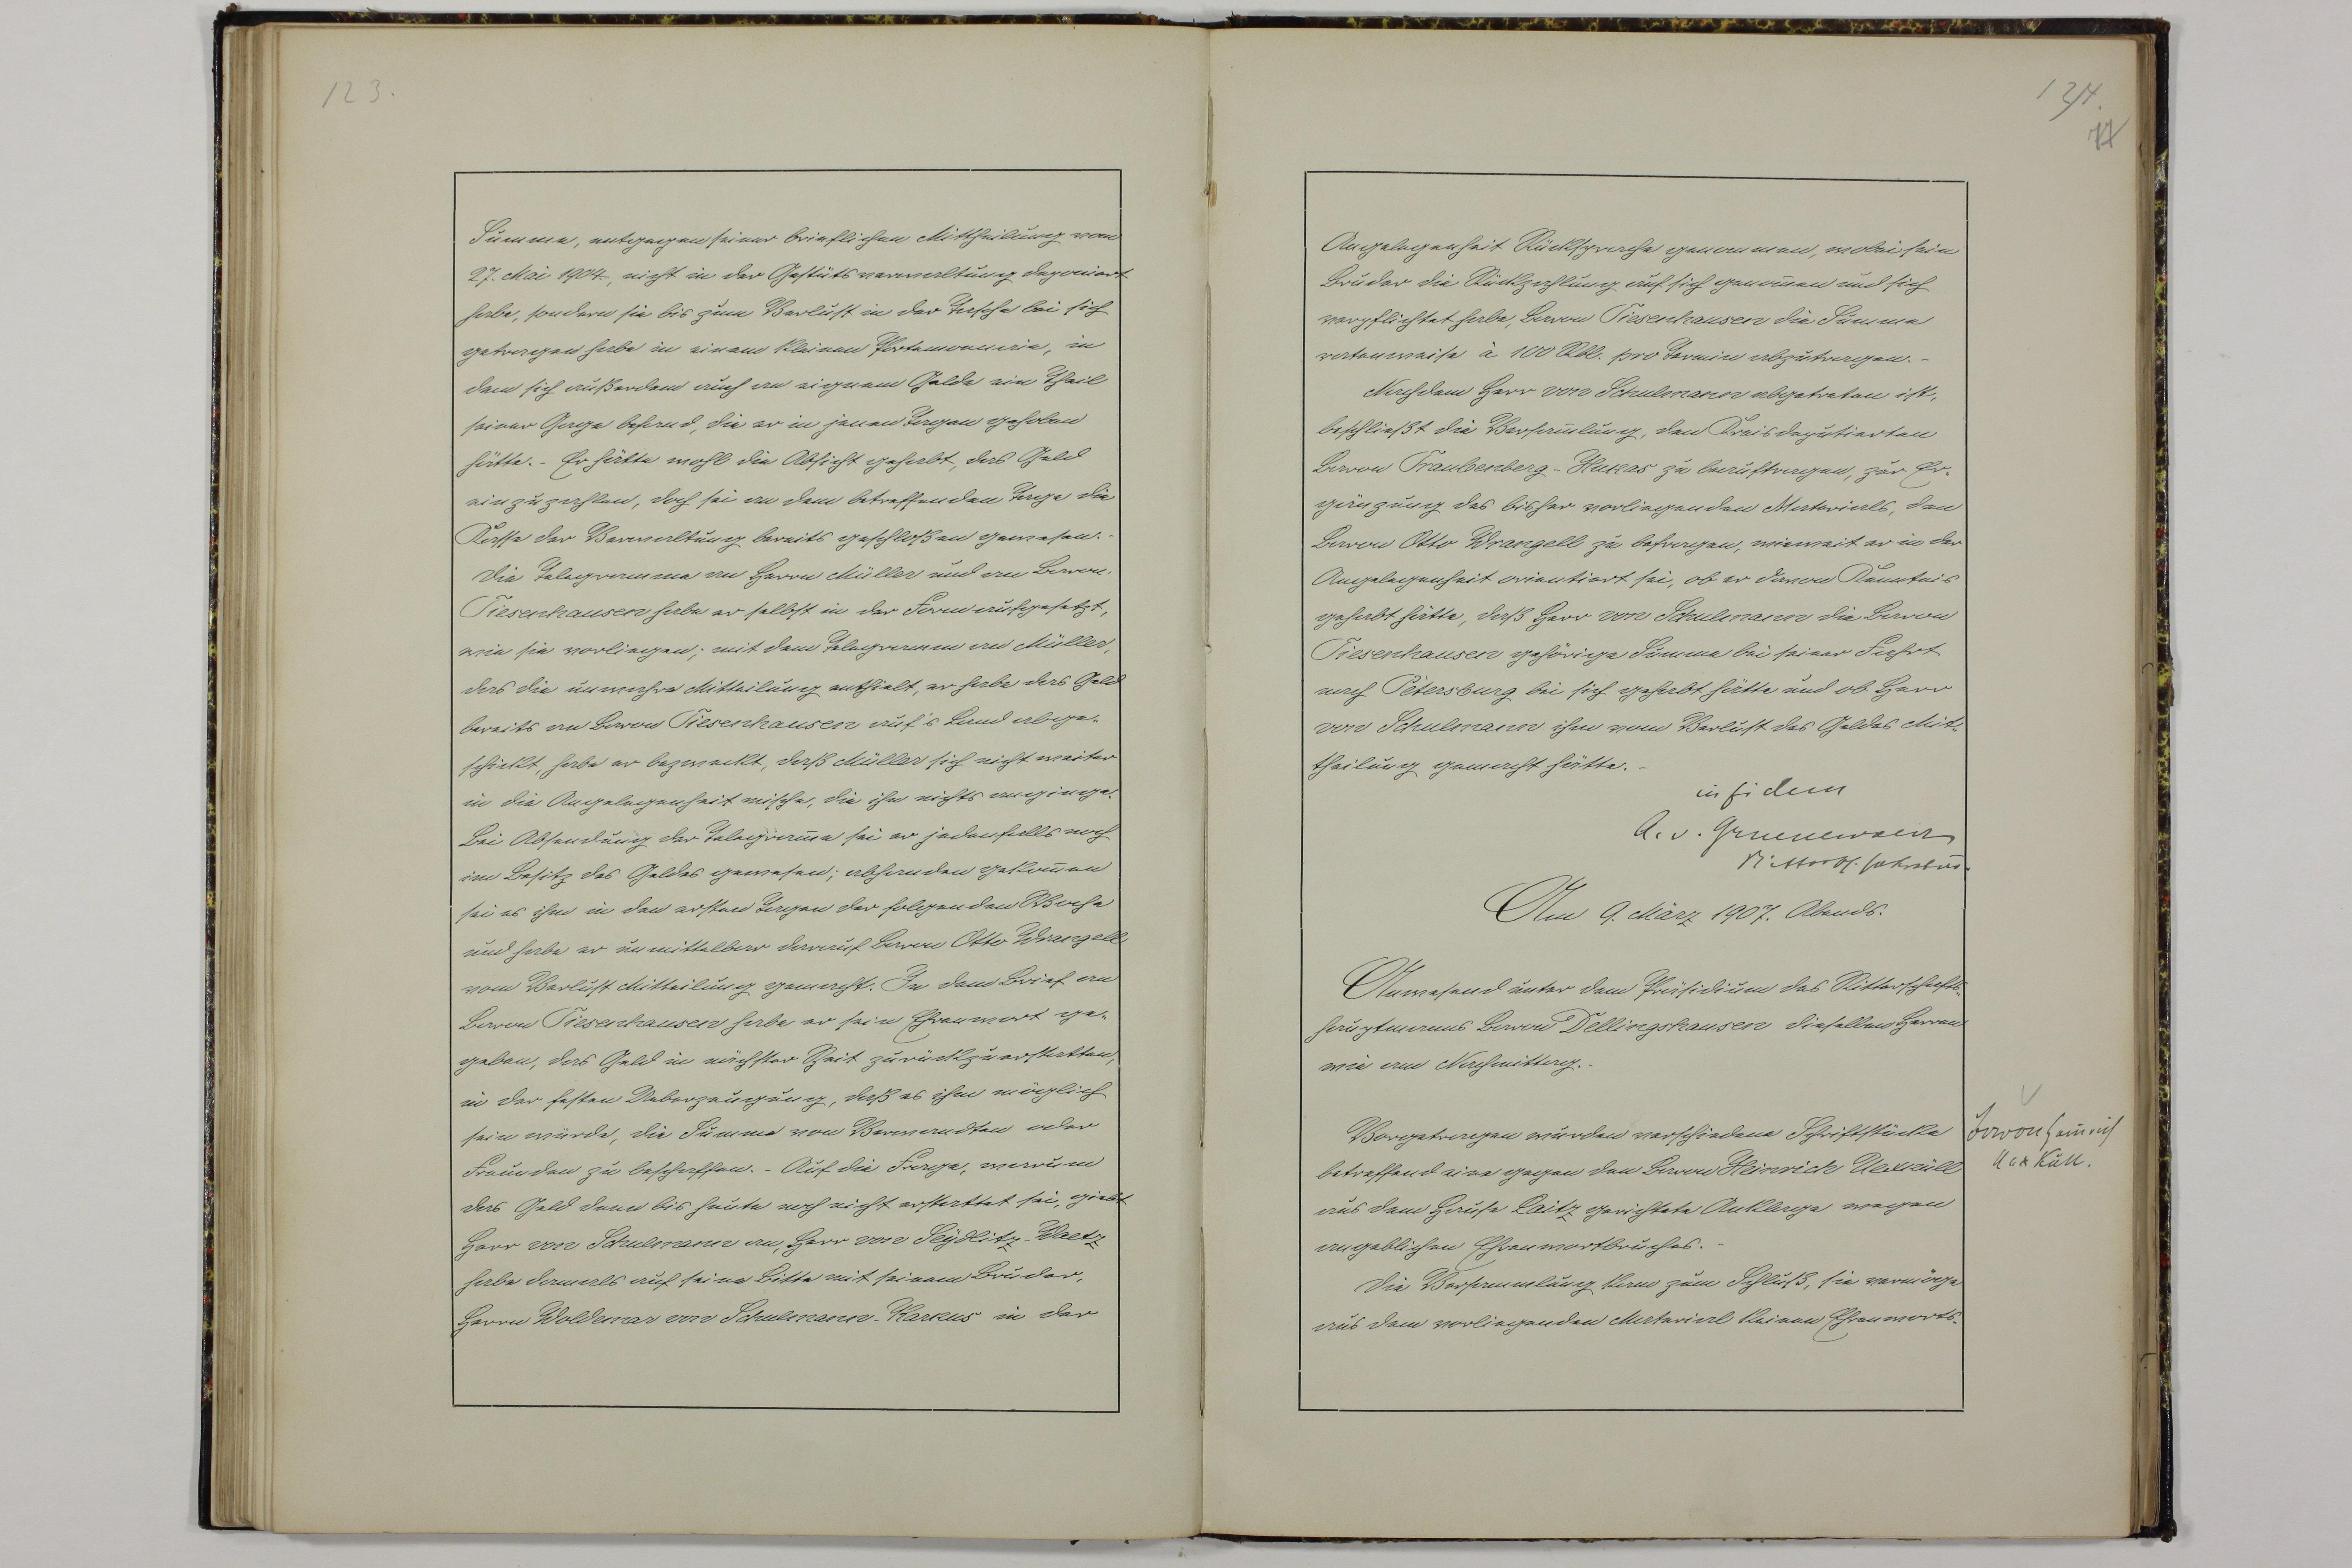Summe, entgegen seiner brieflichen Mittheilung vom
27. Mai 1904, nicht in der Gestütsverwaltung deponiert
habe, sondern sie bis zum Verlust in der Tasche bei sich
getragen habe in einem kleinen Portemonnaie, in
dem sich außerdem auch an eigenem Gelde ein Theil
seiner Gage befand, die er in jenen Tagen gehoben
hätte. – Er hätte wohl die Absicht gehabt, das Geld
einzuzahlen, doch sei an dem betreffenden Tage die
Kasse der Verwaltung bereits geschloßen gewesen.
Die Telegramme an Herrn Müller und an Baron
Tiesenhausen habe er selbst in der Form aufgesetzt,
wie sie vorliegen; mit dem Telegramm an Müller,
das die unwahre Mitteilung enthielt, er habe das Geld
bereits an Baron Tiesenhausen aufʼs Land abge-
schickt, habe er bezweckt, daß Müller sich nicht weiter
in die Angelegenheit mische, die ihn nichts anginge.
Bei Absendung der Telegramme sei er jedenfalls noch
im Besitz des Geldes gewesen; abhanden gekommen
sei es ihm in den ersten Tagen der folgenden Woche
und habe er unmittelbar darauf Baron Otto Wrangell
vom Verlust Mitteilung gemacht. In dem Brief an
Baron Tiesenhausen habe er sein Ehrenwort ge-
geben, das Geld in nächster Zeit zurückzuerstatten,
in der festen Ueberzeugung, daß es ihm möglich
sein würde, die Summe von Verwandten oder
Freunden zu beschaffen. – Auf die Frage, warum
das Geld dann bis heute noch nicht erstattet sei, giebt
Herr von Schulmann an, Herr von Seydlitz-Waetz
habe damals auf seine Bitte mit seinem Bruder,
Herrn Woldemar von Schulmann-Karkus in der
Angelegenheit Rücksprache genommen, wobei sein
Bruder die Rückzahlung auf sich genommen und sich
verpflichtet habe, Baron Tiesenhausen die Summe
ratenweise à 100 Rbl. pro Termin abzutragen. -
Nachdem Herr von Schulmann abgetreten ist,
beschließt die Versammlung, den Kreisdeputierten
Baron Traubenberg-Hukas zu beauftragen, zur Er-
gänzung des bisher vorliegenden Materials, den
Baron Otto Wrangell zu befragen, wieweit er in der
Angelegenheit orientiert sei, ob er davon Kenntnis
gehabt hätte, daß Herr von Schulmann die Baron
Tiesenhausen gehörige Summe bei seiner Fahrt
nach Petersburg bei sich gehabt hätte und ob Herr
von Schulmann ihm vom Verlust des Geldes Mit-
theilung gemacht hätte.
in fidem
A. v. Gruenewaldt
Rittersch.sekretär
Am 9. März 1907. Abends.
Anwesend unter dem Präsidium des Ritterschafts-
hauptmanns Baron Dellingshausen dieselben Herren
wie am Nachmittag.
Vorgetragen wurden verschiedene Schriftstücke
betreffend eine gegen den Baron Heinrich Uexküll
aus dem Hause Laitz gerichtete Anklage wegen
angeblichen Ehrenwortbruches.
Die Versammlung kam zum Schluß, sie vermöge
aus dem vorliegenden Material keinen Ehrenworts-
Baron Heinrich
Uexküll.